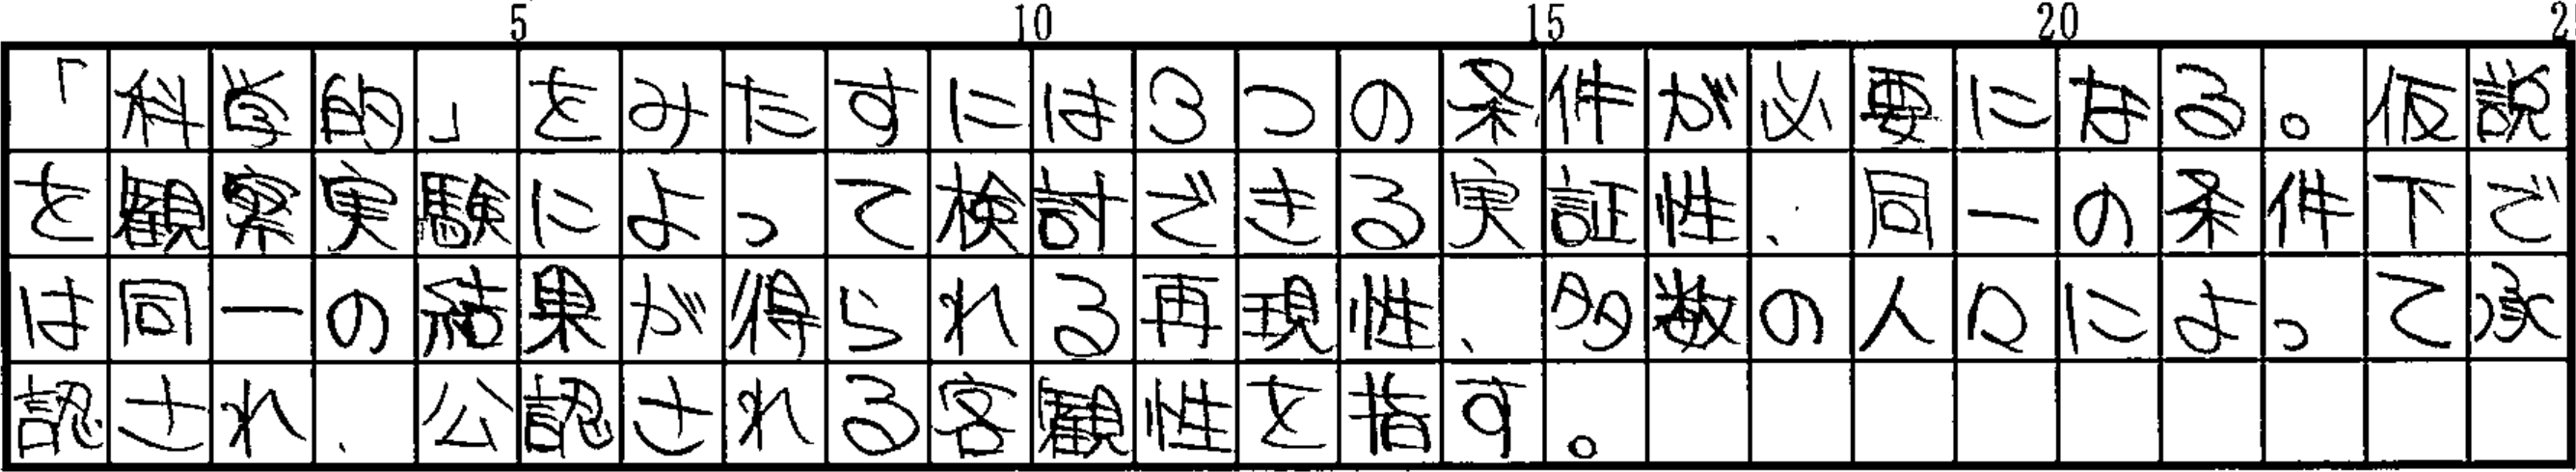「科学的」をみたすには３つの条件が必要になる。仮説を観察実験によって検討できる実証性、同一の条件下では同一の結果が得られる再現性、多数の人々によって承認され、公認される客観性を指す。
